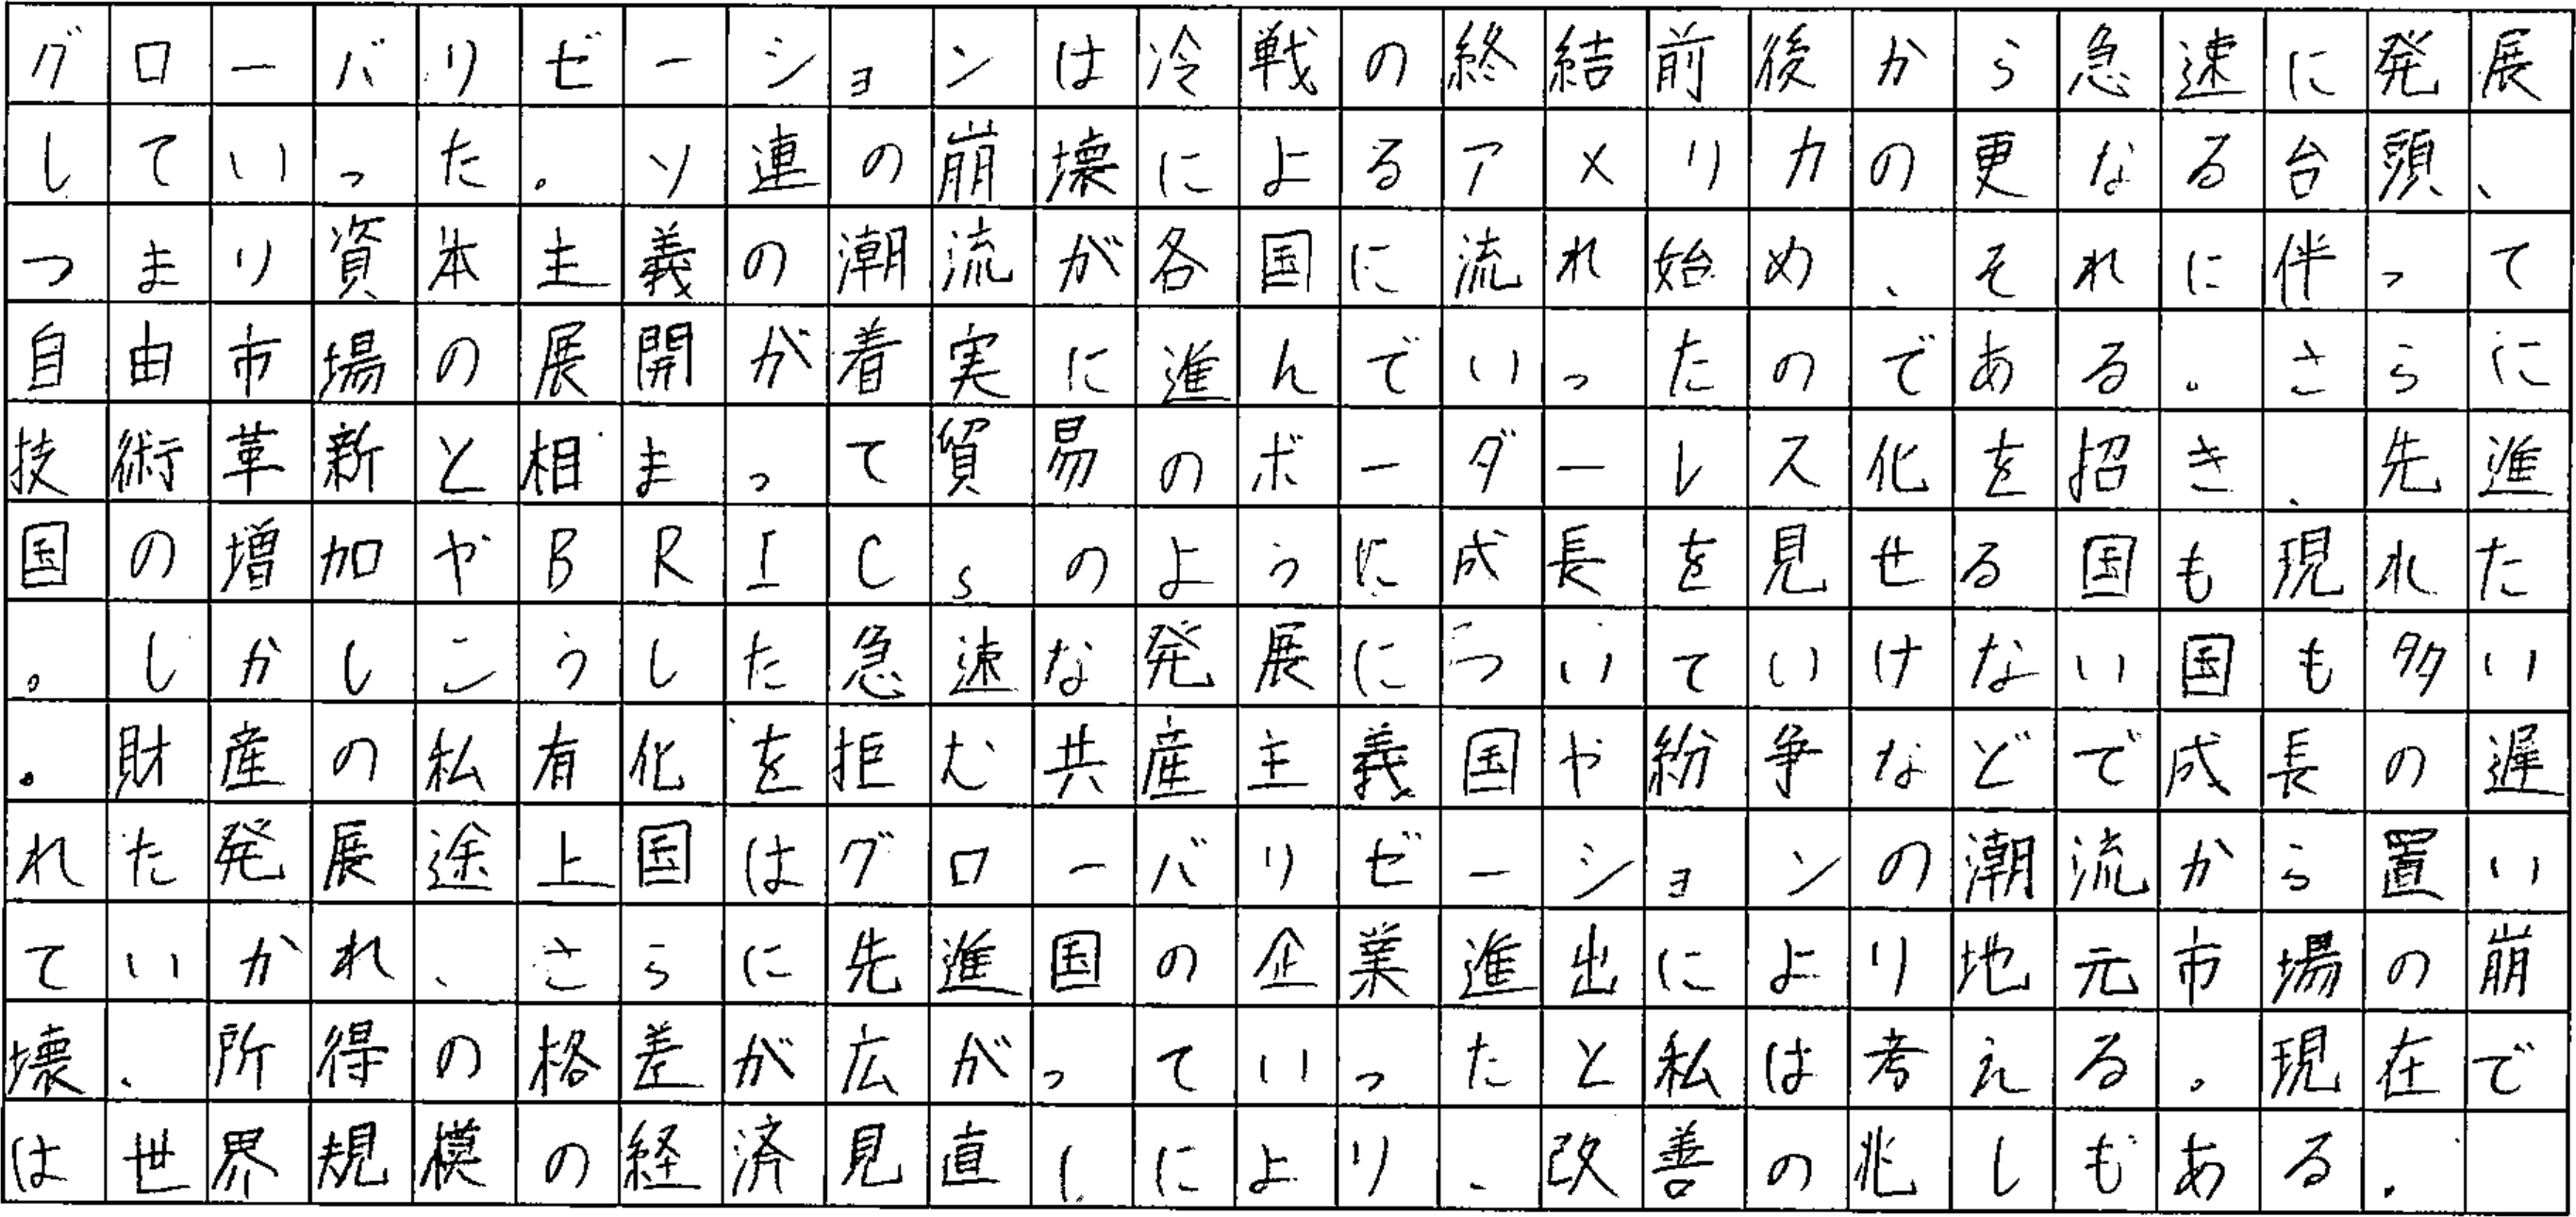グローバリゼーションは冷戦の終結前後から急速に発展していった。ソ連の崩壊によるアメリカの更なる台頭、つまり資本主義の潮流が各国に流れ始め、それに伴って自由市場の展開が着実に進んでいったのである。さらに技術革新と相まって貿易のボーダーレス化を招き、先進国の増加やＢＲＩＣｓのように成長を見せる国も現れた。しかしこうした急速な発展についていけない国も多い。財産の私有化を拒む共産主義国や紛争などで成長の遅れた発展途上国はグローバリゼーションの潮流から置いていかれ、さらに先進国の企業進出により地元市場の崩壊、所得の格差が広がっていったと私は考える。現在では世界規模の経済見直しにより、改善の兆しもある。
